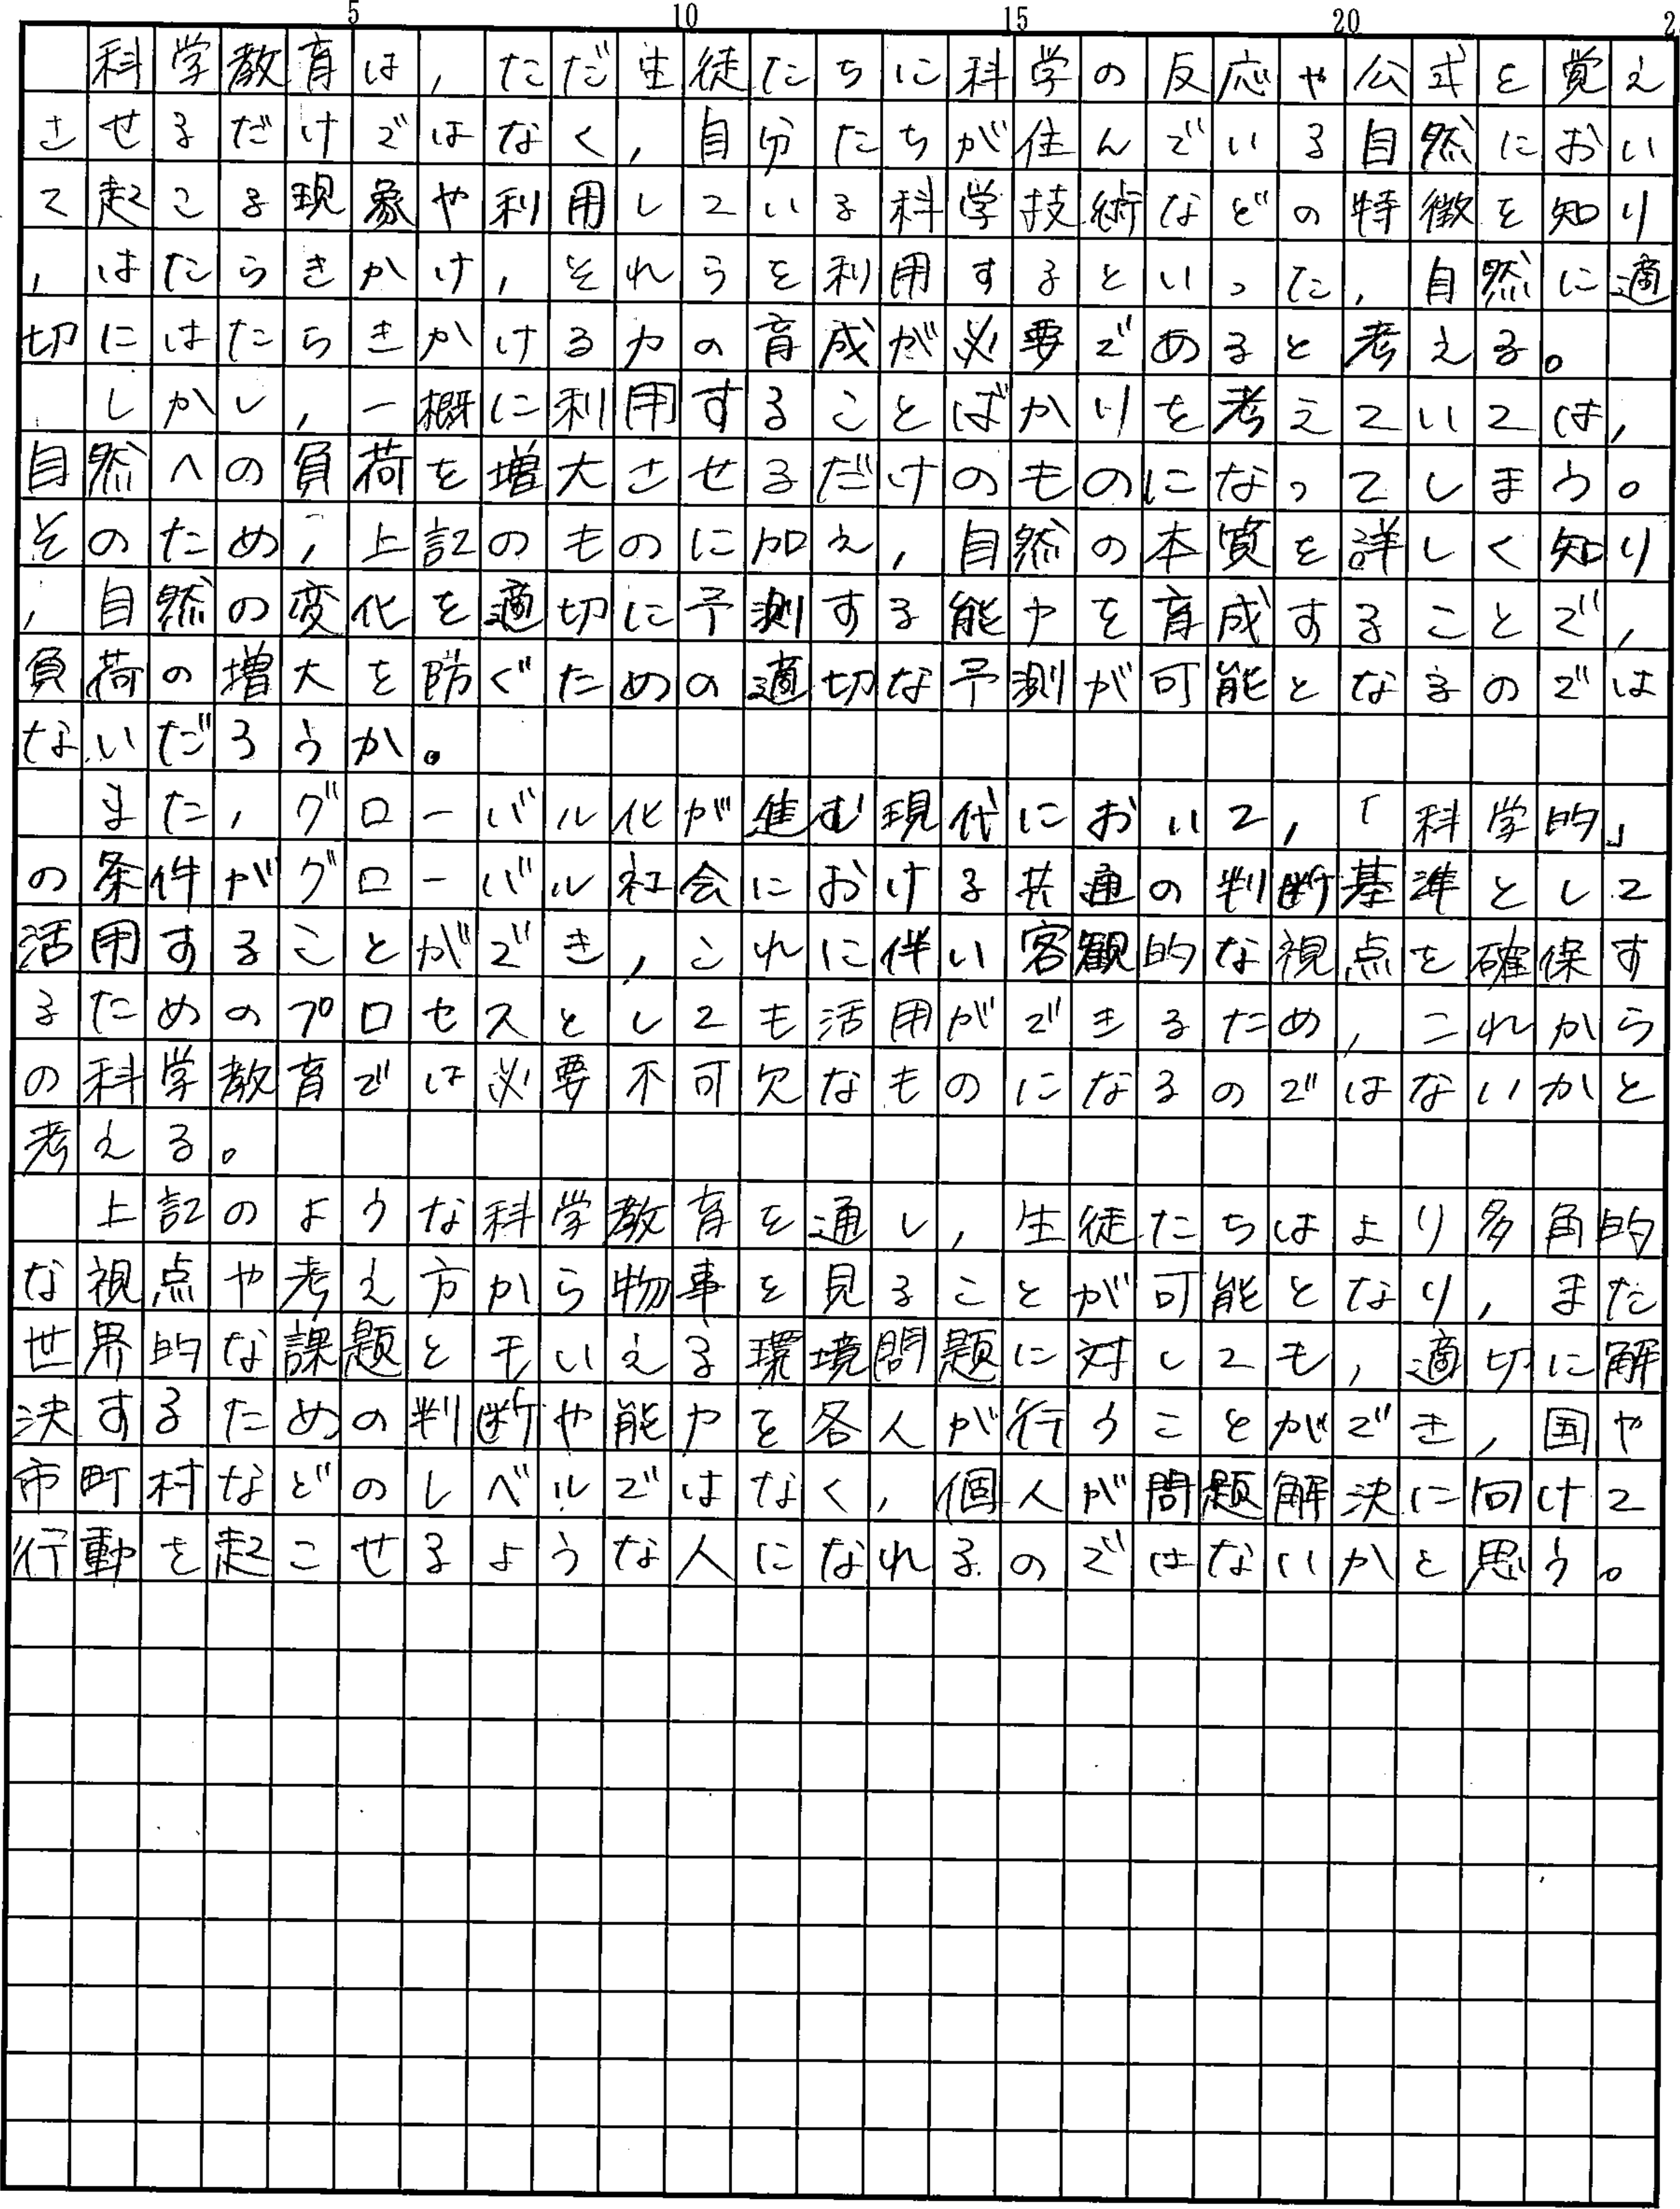　科学教育は、ただ生徒たちに科学の反応や公式を覚えさせるだけではなく、自分たちが住んでいる自然において起こる現象や利用している科学技術などの特徴を知り、はたらきかけ、それらを利用するといった、自然に適切にはたらきかける力の育成が必要であると考える。
　しかし、一概に利用することばかりを考えていては、自然への負荷を増大させるだけのものになってしまう。そのため、上記のものに加え、自然の本質を詳しく知り、自然の変化を適切に予測する能力を育成することで、負荷の増大を防ぐための適切な予測が可能となるのではないだろうか。
　また、グローバル化が進む現代において、「科学的」の条件がグローバル社会における共通の判断基準として活用することができ、これに伴い客観的な視点を確保するためのプロセスとしても活用ができるため、これからの科学教育では必要不可欠なものになるのではないかと考える。
　上記のような科学教育を通し、生徒たちはより多角的な視点や考え方から物事を見ることが可能となり、また世界的な課題ともいえる環境問題に対しても、適切に解決するための判断や能力を各人が行うことができ、国や市町村などのレベルではなく、個人が問題解決に向けて行動を起こせるような人になれるのではないかと思う。
